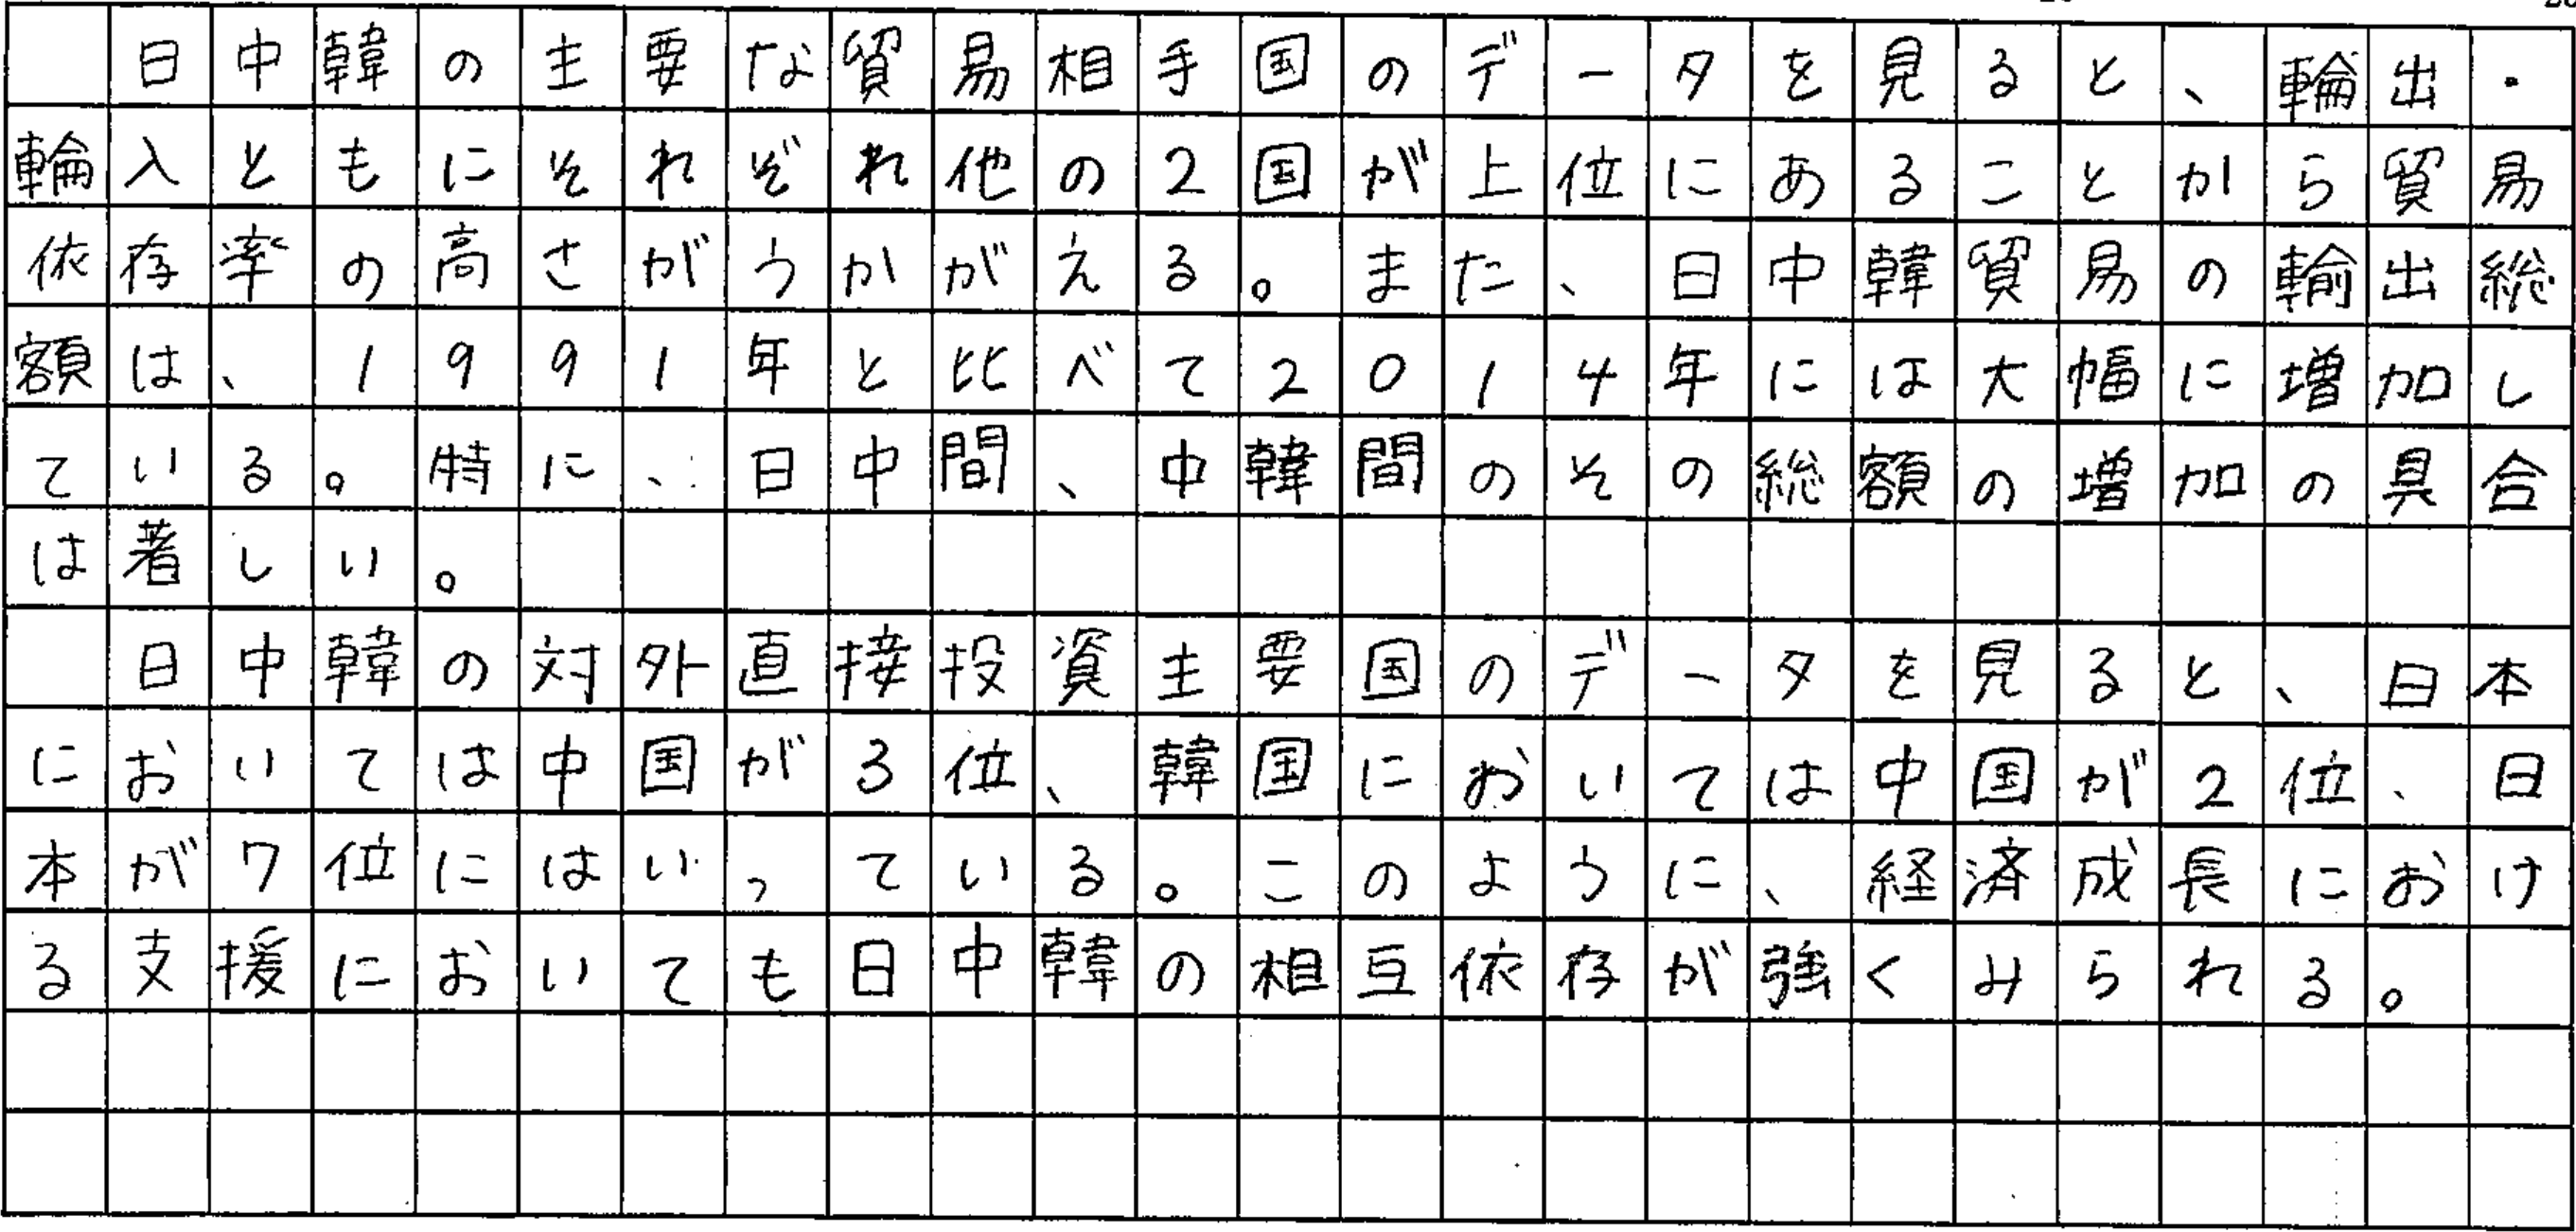　日中韓の主要な貿易相手国のデータを見ると、輸出・輸入ともにそれぞれ他の２国が上位にあることから貿易依存率の高さがうかがえる。また、日中韓貿易の輸出総額は、１９９１年と比べて２０１４年には大幅に増加している。特に、日中間、中韓間のその総額の増加の具合は著しい。
　日中韓の対外直接投資主要国のデータを見ると、日本においては中国が３位、韓国においては中国が２位、日本が７位にはいっている。このように、経済成長における支援においても日中韓の相互依存が強くみられる。
